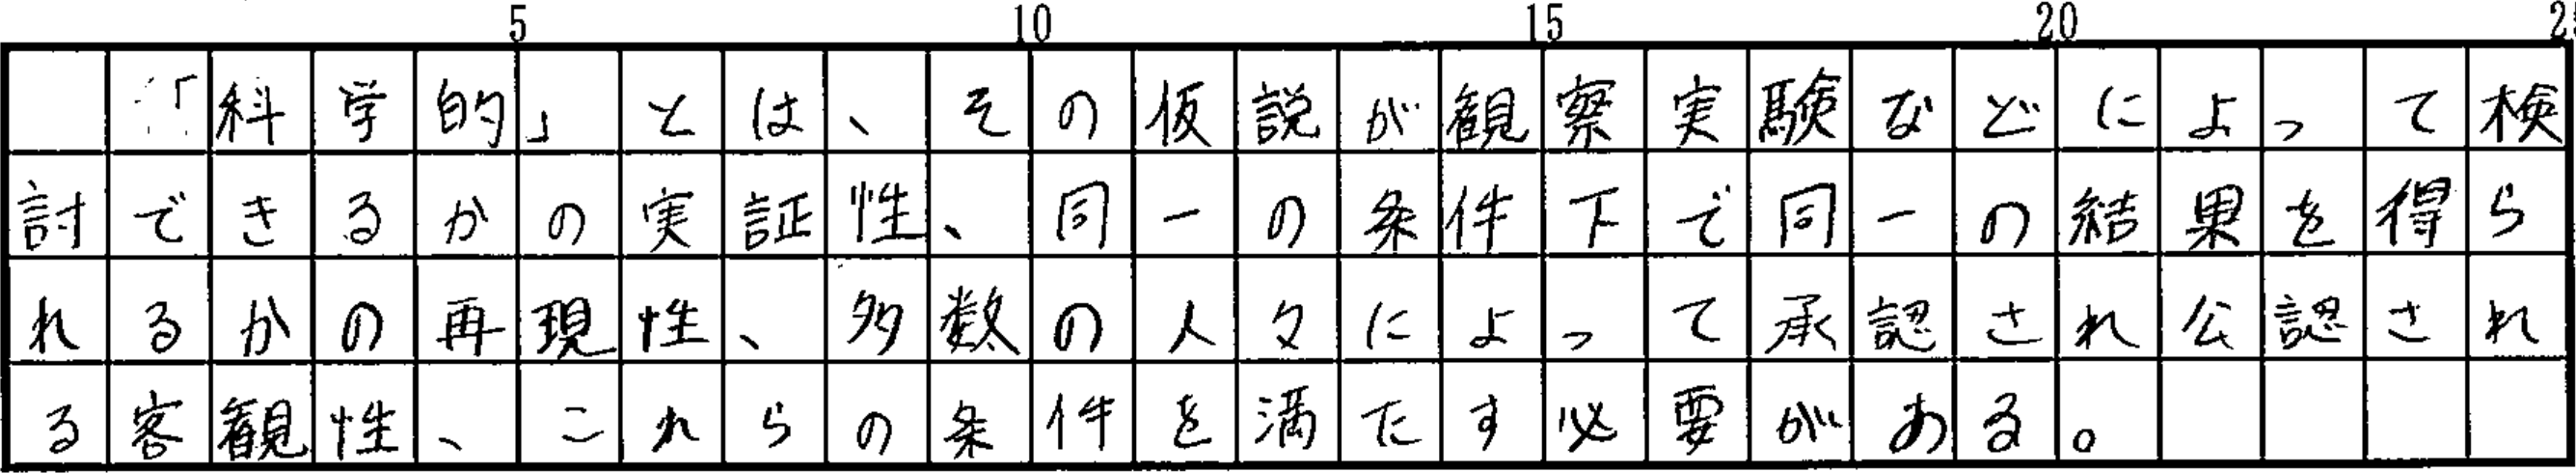　「科学的」とは、その仮説が観察実験などによって検討できるかの実証性、同一の条件下で同一の結果を得られるかの再現性、多数の人々によって承認され公認される客観性、これらの条件を満たす必要がある。
